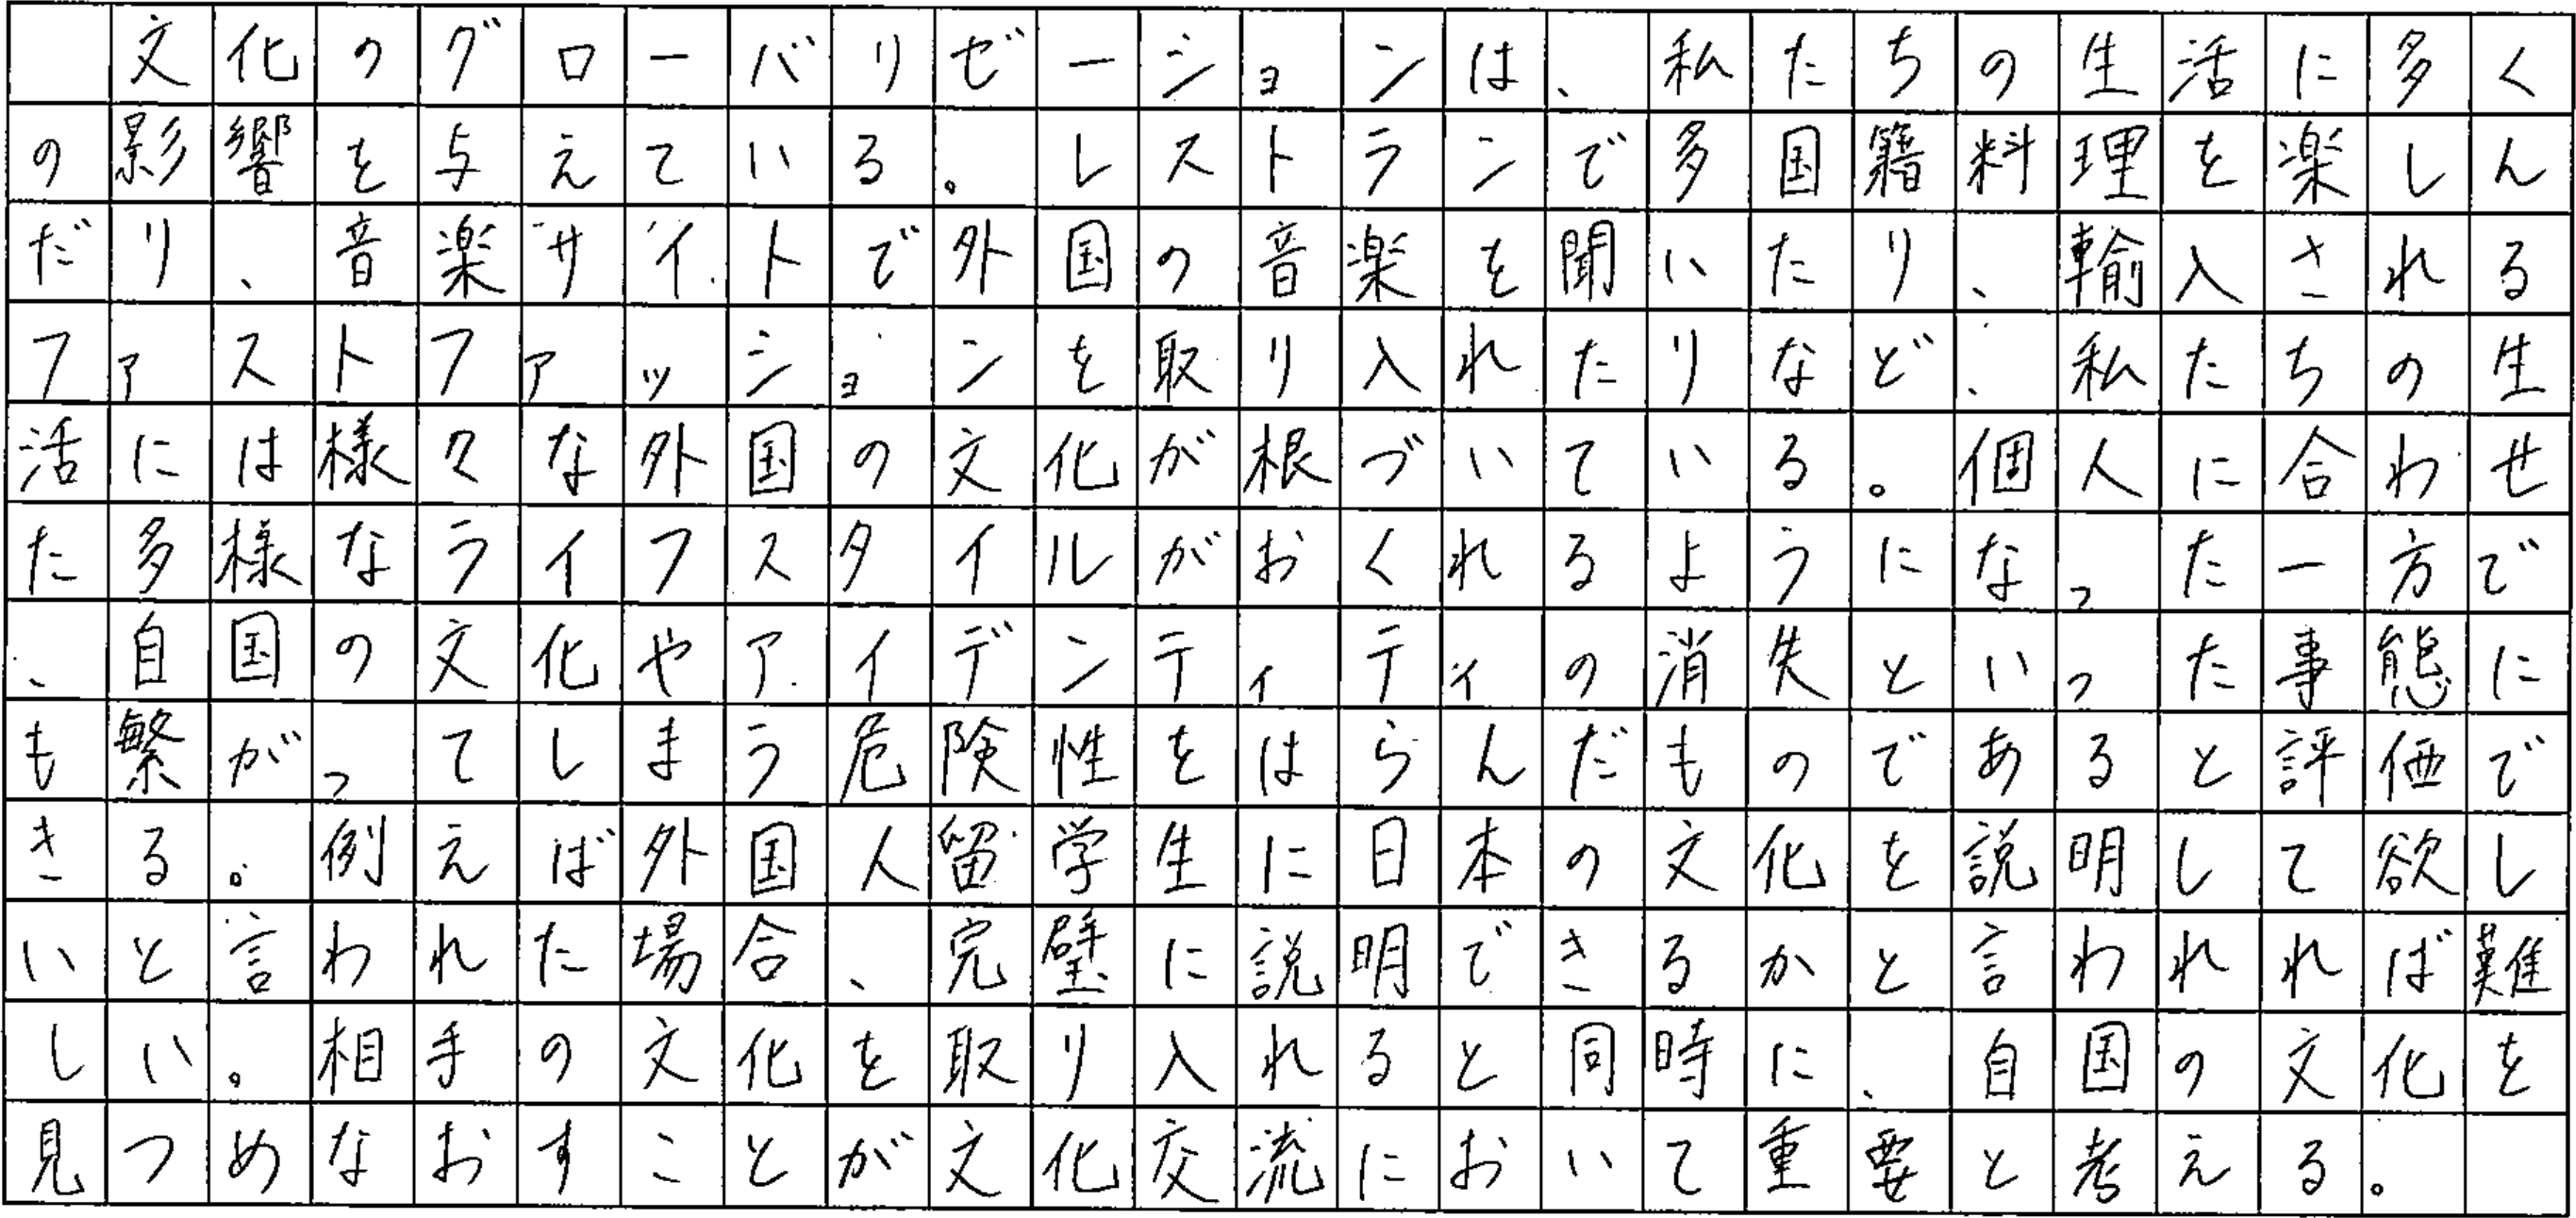　文化のグローバリゼーションは、私たちの生活に多くの影響を与えている。レストランで多国籍料理を楽しんだり、音楽サイトで外国の音楽を聞いたり、輸入されるファストファッションを取り入れたりなど、私たちの生活には様々な外国の文化が根づいている。個人に合わせた多様なライフスタイルがおくれるようになった一方で、自国の文化やアイデンティティの消失といった事態にも繁がってしまう危険性をはらんだものであると評価できる。例えば外国人留学生に日本の文化を説明して欲しいと言われた場合、完璧に説明できるかと言われれば難しい。相手の文化を取り入れると同時に、自国の文化を見つめなおすことが文化交流において重要と考える。
